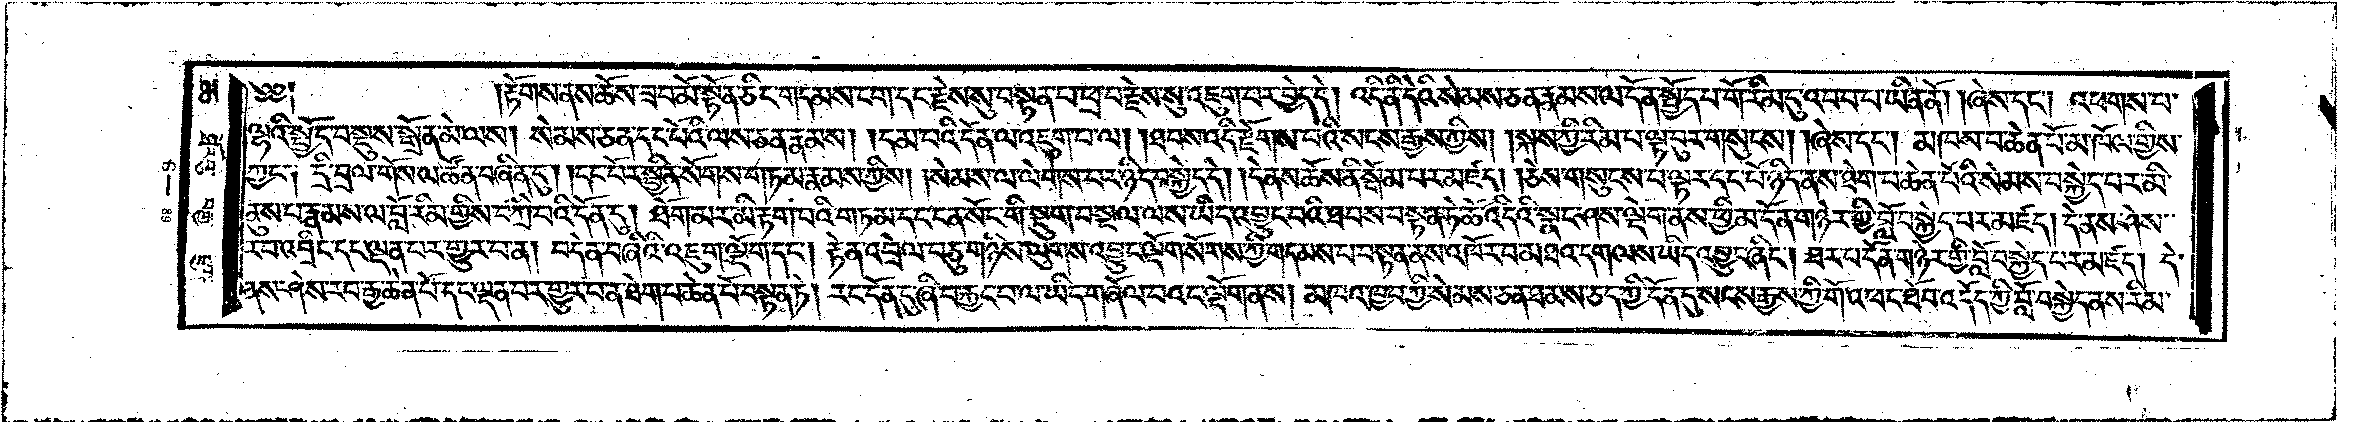༄༅། །རྟོགས་ནས་ཆོས་ཟབ་མོ་སྟོན་ཅིང་གདམས་ངག་དང་རྗེས་སུ་བསྟན་པ་ཕྲ་བརྗེས་སུ་འཇུག་པར་བྱེད་དེ། འདི་ནི་དེའི་སེམས་ཅན་རྣམས་ལ་དོན་སྤྱོད་པ་གོ་རིམ་དུ་འབབ་པ་ཡིན་ནོ། །ཞེས་དང་། འཕགས་པ་
ལྷའི་སྤྱོད་བསྡུས་སྒྲོན་མེ་ལས། སེམས་ཅན་དང་པོའི་ལས་ཅན་རྣམས། །དམ་པའི་དོན་ལ་འཇུག་པ་ལ། །ཐབས་འདི་རྫོགས་པའི་སངས་རྒྱས་ཀྱིས། །སྐས་ཀྱི་རིམ་པ་ལྟ་བུར་གསུངས། །ཞེས་དང་། མཁས་པ་ཆེན་པོ་མ་ཁོལ་གྱིས་
ཀྱང༑ དྲི་བྲལ་གོས་ལ་ཚོན་བཞིན་དུ། །དང་པོར་སྦྱིན་སོགས་གཏམ་རྣམས་ཀྱིས། །སེམས་ལ་ལེགས་པར་ཉིད་བསྐྱེད་དེ། །དེ་ནས་ཆོས་ནི་སྒོམ་པར་མཛད། །ཅེས་གསུངས་པ་ལྟར་དང་པོ་ཉིད་ནས་ཐེག་པ་ཆེན་པོའི་སེམས་བསྐྱེད་པར་མི་
ནུས་པ་རྣམས་ལ་བློ་རིམ་གྱིས་བཀྲི་བའི་དོན་དུ། ཐོག་མར་མི་རྟག་པའི་གཏམ་དང་ངན་སོང་གི་སྡུག་བསྔལ་ལས་ཡིད་འབྱུང་བའི་ཐབས་བསྟན་ཏེ་ཚེ་འདིའི་སྣང་ཤས་ལྡོག་ནས་ཕྱི་མ་དོན་གཉེར་གྱི་བློ་བསྐྱེད་པར་མཛད། དེ་ནས་ཤེས་
རབ་འབྲིང་དང་ལྡན་པར་གྱུར་བ་ན། བདེན་བཞིའི་འཇུག་ལྡོག་དང་། རྟེན་འབྲེལ་བཅུ་གཉིས་ལུགས་འབྱུང་ལྡོག་སོགས་ཀྱི་གདམས་པ་བསྟན་ནས་འཁོར་བ་མཐའ་དག་ལས་ཡིད་འབྱུང་ཞིང་། ཐར་པ་དོན་གཉེར་གྱི་བློ་བསྐྱེད་པར་མཛད། དེ་
ནས་ཤེས་རབ་རྒྱ་ཆེན་པོ་དང་ལྡན་པར་གྱུར་བ་ན་ཐེག་པ་ཆེན་པོ་བསྟན་ཏེ། རང་དོན་དུ་ཞི་བ་རྐྱང་བ་ལ་ཡིད་གཞོལ་བའང་ལྡོག་ནས། མཁའ་ཁྱབ་ཀྱི་སེམས་ཅན་ཐམས་ཅད་ཀྱི་དོན་དུ་སངས་རྒྱས་ཀྱི་གོ་འཕང་ཐོབ་འདོད་ཀྱི་བློ་བསྐྱེད་ནས་རིམ་